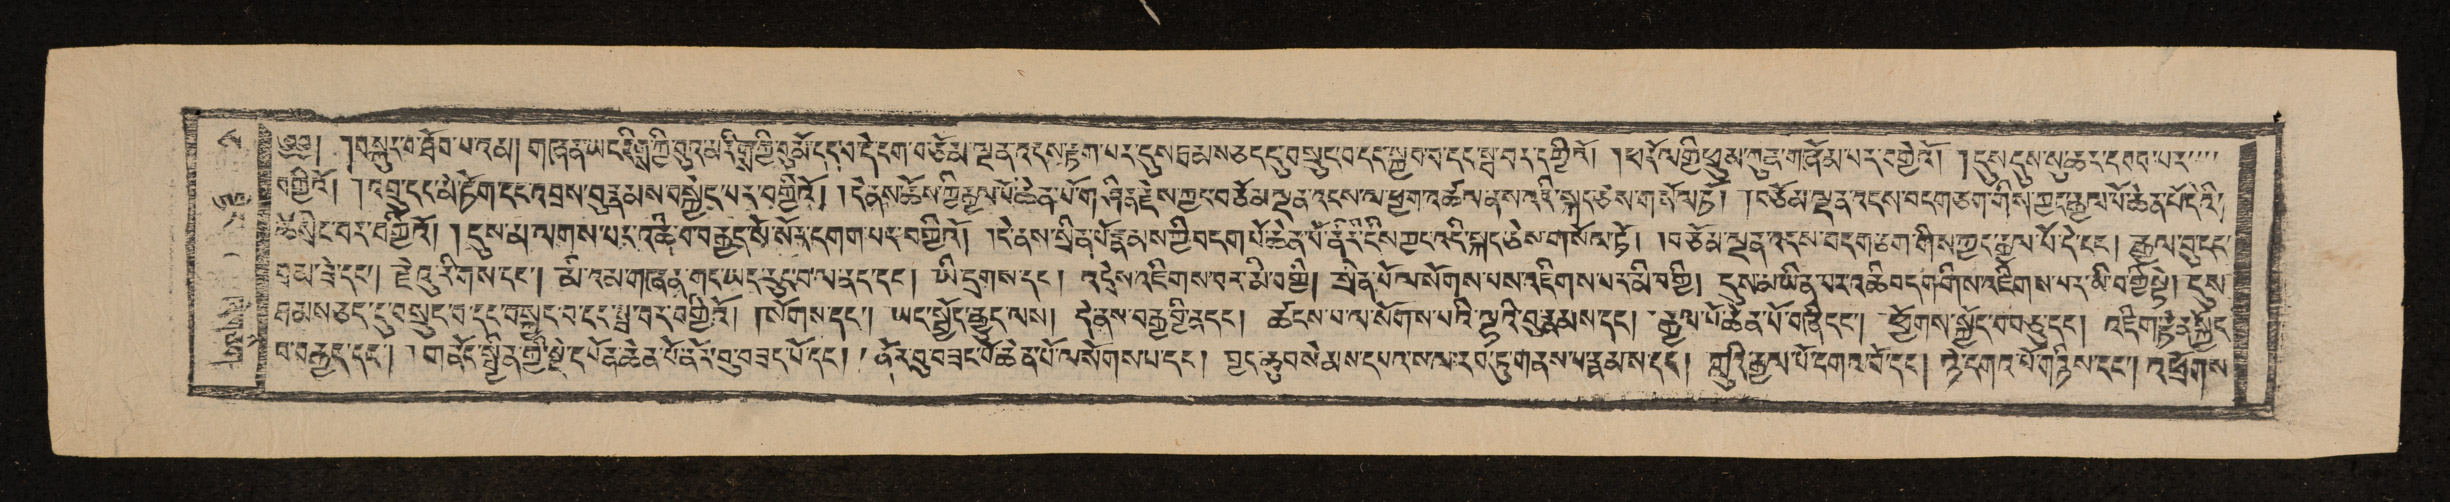༄༅། །བསྐུར་བ་ཐོབ་པའམ། གཞན་ཡང་རིགས་ཀྱི་བུའམ་རིགས་ཀྱི་བུ་མོ་དད་པ་དེ་དག་བཅོམ་ལྡན་འདས་རྟག་པར་དུས་ཐམས་ཅད་དུ་བསྲུང་བ་དང་སྐྱབ་བ་དང་སྦ་བར་བགྱིའོ། །ཕ་རོལ་གྱི་ཕྲུམ་ཀུན་གཞོམ་པར་བགྱིའོ། །དུས་དུས་སུ་ཆར་དབབ་པར་
བགྱིའོ། །འབྲུ་དང་མེ་ཏོག་དང་འབྲས་བུ་རྣམས་བསྐྱེད་པར་བགྱིའོ། །དེ་ནས་ཆོས་ཀྱི་རྒྱལ་པོ་ཆེན་པོ་གཤིན་རྗེས་ཀྱང་བཅོམ་ལྡན་འདས་ལ་ཕྱག་འཚལ་ནས་འདི་སྐད་ཅེས་གསོལ་ཏོ། །བཅོམ་ལྡན་འདས་བདག་ཅག་གིས་ཀྱང་རྒྱལ་པོ་ཆེན་པོ་དེའི་
ཚེ་སྲིང་བར་བགྱིའོ། །དུས་མ་ལགས་པར་འཆི་བ་བརྒྱད་སོ་སོར་དགག་པར་བགྱིའོ། །དེ་ནས་སྲིན་པོ་རྣམས་ཀྱི་བདག་པོ་ཆེན་པོ་ནི་རི་དིས་ཀྱང་འདི་སྐད་ཅེས་གསོལ་ཏོ། །བཅོམ་ལྡན་འདས་བདག་ཅག་གིས་ཀྱང་རྒྱལ་པོ་དེ་དང་། རྒྱལ་བུ་དང་།
བྲམ་ཟེ་དང་། རྗེའི་རིགས་དང་། མི་འམ་གཞན་གང་ཡང་རུང་ང་ལ་ནད་དང་། ཡི་དྭགས་དང་། འདྲེས་འཇིགས་པར་མི་བགྱི། སྲིན་པོ་ལ་སོགས་པས་འཇིགས་པར་མི་བགྱི། དུས་མ་ཡིན་པར་འཆི་བདག་གིས་འཇིགས་པར་མི་བགྱི་སྟེ། དུས་
ཐམས་ཅད་དུ་བསྲུང་བ་དང་བསྐྱང་པ་དང་སྦ་བར་བགྱིའོ། །སོགས་དང་། ཡང་སྤྱོད་རྒྱུད་ལས། དེ་ནས་བརྒྱ་བྱིན་དང་། ཚངས་པ་ལ་སོགས་པའི་ལྷའི་བུ་རྣམས་དང་། རྒྱལ་པོ་ཆེན་པོ་བཞི་དང་། ཕྱོགས་སྐྱོང་བ་བཅུ་དང་། འཇིག་རྟེན་སྐྱོང་
ང་བརྒྱད་དང་། གནོད་སྦྱིན་གྱི་སྡེ་དཔོན་ཆེན་པོ་ནོར་བུ་བཟང་པོ་དང་། ནོར་བུ་བཟང་པོ་ཆེན་པོ་ལ་སོགས་པ་དང་། བྱང་ཆུབ་སེམས་དཔའ་ས་ལ་རབ་ཏུ་གནས་པ་རྣམས་དང་། ཀླུའི་རྒྱལ་པོ་དགའ་བོ་དང་། ཉེ་དགའ་བོ་གཉིས་དང་། འཕྲོགས་